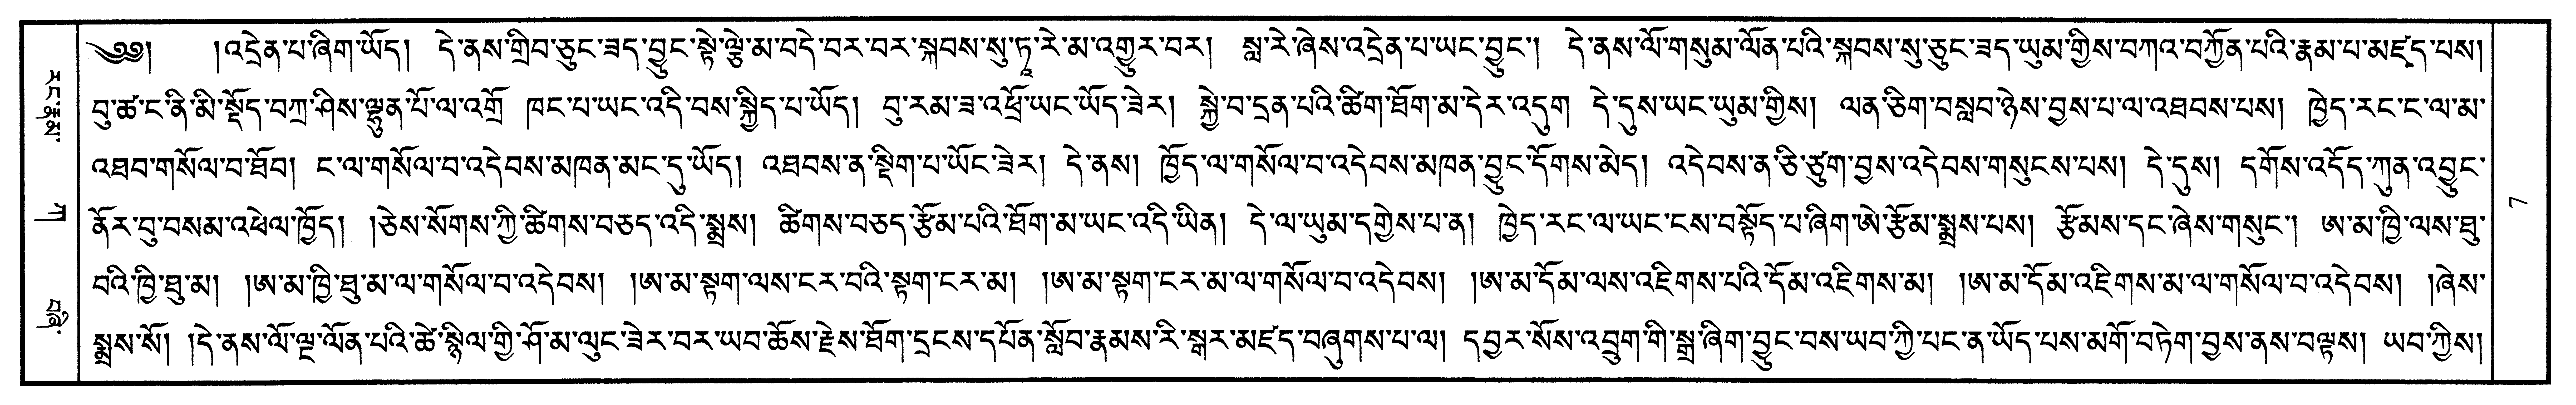༄༅། །འདྲེན་པ་ཞིག་ཡོད། དེ་ནས་གྲིབ་ཅུང་ཟད་བྱུང་སྟེ་ལྕེ་མ་བདེ་བར་བར་སྐབས་སུ་ཏཱ་རེ་མ་འགྱུར་བར། སླ་རེ་ཞེས་འདྲེན་པ་ཡང་བྱུང་། དེ་ནས་ལོ་གསུམ་ལོན་པའི་སྐབས་སུ་ཅུང་ཟད་ཡུམ་གྱིས་བཀའ་བཀྱོན་པའི་རྣམ་པ་མཛད་པས།
བུ་ཚ་ང་ནི་མི་སྡོད་བཀྲ་ཤིས་ལྷུན་པོ་ལ་འགྲོ་ཁང་པ་ཡང་འདི་བས་སྐྱིད་པ་ཡོད། །བུ་རམ་ཟ་འཕྲོ་ཡང་ཡོད་ཟེར། སྐྱེ་བ་དྲན་པའི་ཚིག་ཐོག་མ་དེར་འདུག །དེ་དུས་ཡང་ཡུམ་གྱིས། ལན་གཅིག་བསླབ་ཉེས་བྱས་པ་ལ་འཐབས་པས། ཁྱེད་རང་ང་ལ་མ་
འཐབ་གསོལ་བ་ཐོབ། ང་ལ་གསོལ་བ་འདེབས་མཁན་མང་དུ་ཡོད། འཐབས་ན་སྡིག་པ་ཡོང་ཟེར། དེ་ནས། ཁྱོད་ལ་གསོལ་བ་འདེབས་མཁན་བྱུང་དོགས་མེད། འདེབས་ན་ཅི་ཙུག་བྱས་འདེབས་གསུངས་པས། དེ་དུས། དགོས་འདོད་ཀུན་འབྱུང་
ནོར་བུ་བསམ་འཕེལ་ཁྱོད། །ཅེས་སོགས་ཀྱི་ཚིགས་བཅད་འདི་སྨྲས། ཚིགས་བཅད་རྩོམ་པའི་ཐོག་མ་ཡང་འདི་ཡིན། དེ་ལ་ཡུམ་དགྱེས་པ་ན། ཁྱེད་རང་ལ་ཡང་ངས་བསྟོད་པ་ཞིག་ཨེ་རྩོམ་སྨྲས་པས། རྩོམས་དང་ཞེས་གསུང་། ཨ་མ་ཁྱི་ལས་ཐུ་
བའི་ཁྱི་ཐུ་མ། །ཨ་མ་ཁྱི་ཐུ་མ་ལ་གསོལ་བ་འདེབས། །ཨ་མ་སྟག་ལས་ངར་བའི་སྟག་ངར་མ། །ཨ་མ་སྟག་ངར་མ་ལ་གསོལ་བ་འདེབས། །ཨ་མ་དོམ་ལས་འཇིགས་པའི་དོམ་འཇིགས་མ། །ཨ་མ་དོམ་འཇིགས་མ་ལ་གསོལ་བ་འདེབས། །ཞེས་
སྨྲས་སོ། །དེ་ནས་ལོ་ལྔ་ལོན་པའི་ཚེ་སྙིལ་གྱི་ཤོ་མ་ལུང་ཟེར་བར་ཡབ་ཆོས་རྗེས་ཐོག་དྲངས་དཔོན་སློབ་རྣམས་རི་སྒར་མཛད་བཞུགས་པ་ལ། དབྱར་སོས་འབྲུག་གི་སྒྲ་ཞིག་བྱུང་བས་ཡབ་ཀྱི་པང་ན་ཡོད་པས་མགོ་བཏེག་བྱས་ནས་བལྟས། ཡབ་ཀྱིས།